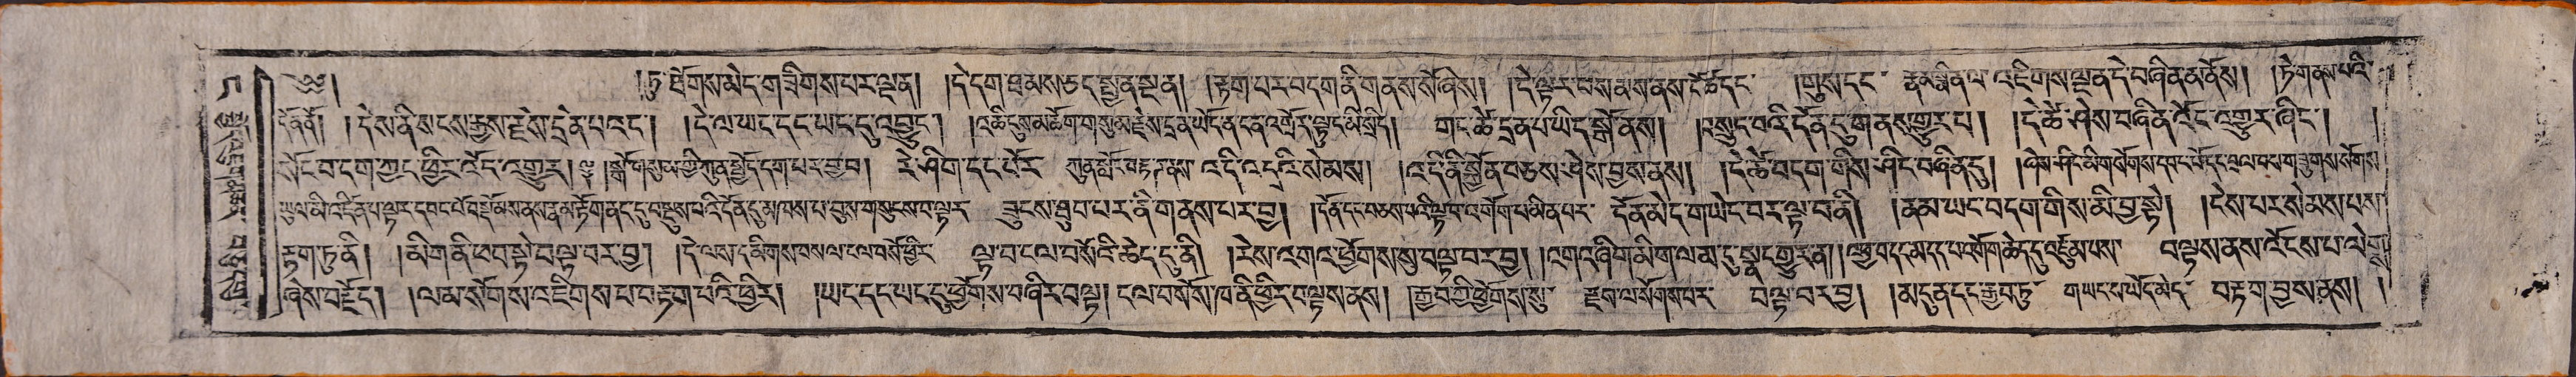༄༅། །ཐོགས་མེད་གཟིགས་པར་ལྡན། །དེ་དག་ཐམས་ཅད་སྤྱན་སྔ་ན། །རྟག་པར་བདག་ནི་གནས་སོ་ཞེས། །དེ་ལྟར་བསམས་ནས་ངོ་ཚ་དང་། །གུས་དང་རྣམ་སྨིན་ལ་འཇིགས་ལྡན་དེ་བཞིན་མ་ནོས། །ཏེ་གནས་པའི་
དོན་ནོ། །དེས་ནི་སངས་རྒྱས་རྗེས་དྲན་པའང་། །དེ་ལ་ཡང་དང་ཡང་དུ་འབྱུང་། །འཆི་དུས་མཆོག་གསུམ་རྗེས་དྲན་ཡོད་ན་ངན་འགྲོར་ལྟུང་མི་སྲིད། གང་ཚེ་དྲན་པ་ཡིད་སྒོ་ནས། །བསྲུང་བའི་དོན་དུ་གནས་གྱུར་ཨ། །དེ་ཚེ་ཤེས་བཞིན་འོང་འགྱུར་ཞིང་། །
སོང་བདག་ཀྱང་ཕྱིར་འོང་འགྱུར། ༈ །སྒོ་གསུམ་གྱི་ཀུན་སྤྱོད་དག་པར་བྱ་བ།  རེ་ཤིག་དང་པོར་ཀུན་སློང་བརྟཌ་ནས་འདྲའི་སེམས། །འདི་ནི་སྐྱོན་བཅས་ཤེས་བྱས་ནས། །དེ་ཚེ་བདག་གིས་ཤིང་བཞིན་དུ། །ཞེས་ཤིང་མིག་སོགས་དབང་པོ་དང་བྲལ་བས་གཟུགས་སོགས་
ཡུལ་མི་འཛིན་པ་ལྟར་དབང་པོ་བསྡོམས་ནས་རྣམ་རྟོག་ནང་དུ་བསྡུས་པའི་དོན་དུ་མཁས་པ་བུས་གསུངས་པ་ལྟར་ཟུངས་ཐུབ་པར་ནི་གནས་པར་བྱ། །དོན་དང་བཅས་པའི་ལྟ་བ་འགོག་པ་མིན་པར་དོན་མེད་གཡེང་པར་ལྟ་བ་ནི། །ནམ་ཡང་བདག་གིས་མི་བྱ་སྟེ། །ངེས་པར་སེམས་པས་
རྟག་ཏུ་ནི། །མིག་ནི་ཕབ་སྟེ་བལྟ་བར་བྱ། །དེ་ལས་དམིགས་བསལ་ངལ་བསོ་ཕྱིར་ལྟ་བ་ངལ་བསོའི་ཆེད་དུ་ནི། །རེས་འགའ་ཕྱོགས་སུ་བལྟ་བར་བྱ། །འགའ་ཞིག་མིག་ལམ་དུ་སྣང་གྱུར་ན། །འཕྱ་བ་དང་མ་དད་པ་འགོག་ཆེད་དུ་འཛུམ་པས་བལྟས་ནས་འོངས་པ་ལེགས་
ཞེས་བརྗོད། །ལམ་སོགས་འཇིགས་པ་བརྟག་པའི་ཕྱིར། །ཡང་དང་ཡང་དུ་ཕྱོགས་བཞིར་བལྟ། །ངལ་བསོས་ཁ་ནི་ཕྱིར་བལྟས་ནས། །རྒྱབ་ཀྱི་ཕྱོགས་སུ་རྫས་ལ་སོགས་པར་བལྟ་བར་བྱ། །མདུན་དང་རྒྱབ་ཏུ་གཡངས་ཡོད་མེད་བརྟག་བྱས་ནས། །